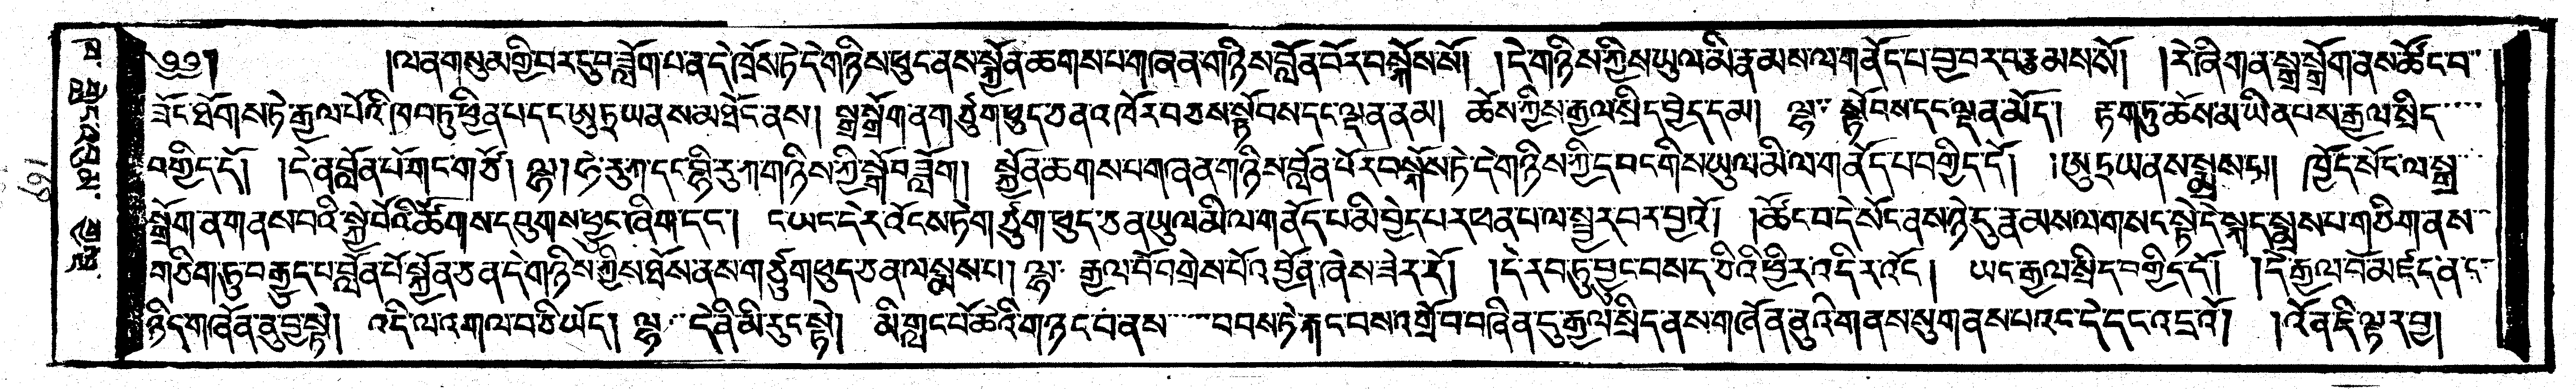༄༅། །ལན་གསུམ་གྱི་བར་དུ་བ་ཟློག་པ་ན་དེ་ཁྲོས་ཏེ་དེ་གཉིས་ཕུང་ནས་སྐྱོན་ཆགས་པ་གཞན་གཉིས་བློན་བོར་བསྐོས་སོ། །དེ་གཉིས་ཀྱིས་ཡུལ་མི་རྣམས་ལ་གནོད་པ་བྱ་བར་བརྩམས་སོ། །རེ་ཞིག་ན་སྒྲ་སྒྲོག་ནས་ཚོང་བ་
ཟོང་ཐོགས་ཏེ་རྒྱལ་པོའི་ཁབ་ཏུ་ཕྱིན་པ་དང་ཨུཏྲ་ཡ་ནས་མཐོང་ནས། སྒྲ་སྒྲོག་ན་གཙུག་ཕུད་ཅན་འཁོར་བཅས་སྟོབས་དང་ལྡན་ནམ། ཆོས་ཀྱིས་རྒྱལ་སྲིད་བྱེད་དམ། ལྷ་སྟོབས་དང་ལྡན་མོད། རྟག་ཏུ་ཆོས་མ་ཡིན་པས་རྒྱལ་སྲིད་
བགྱིད་དོ། །དེ་ན་བློན་པོ་གང་གཙོ། ལྷ། ཧེ་རུ་ཀ་དང་བྷི་རུ་ཀ་གཉིས་ཀྱི་སྒོ་བཟློག། སྐྱོན་ཆགས་པ་གཞན་གཉིས་བློན་པོར་བསྐོས་ཏེ་དེ་གཉིས་ཀྱི་དབང་གིས་ཡུལ་མི་ལ་གནོད་པ་བགྱིད་དོ། །ཨུཏྲ་ཡ་ནས་སྨྲས་པ། ཁྱོད་སོང་ལ་སྒྲ་
སྒྲོག་ན་གནས་བའི་སྐྱེ་བོའི་ཚོགས་དབུགས་ཕྱུང་ཞིག་དང་། ང་ཡང་དེར་འོངས་ཏེ་གཙུག་ཕུད་ཅན་ཡུལ་མི་ལ་གནོད་པ་མི་བྱེད་པར་ཕན་པ་ལ་སྦྱར་བར་བྱའོ། །ཚོང་བ་དེ་སོང་ནས་ཉེ་དུ་རྣམས་ལ་གསང་སྟེ་དེ་སྐད་སྨྲས་པ་གཅིག་ནས་
གཅིག་ཏུ་བརྒྱུད་པ་བློན་པོ་སྐྱོན་ཅན་དེ་གཉིས་ཀྱིས་ཐོས་ནས་གཙུག་ཕུད་ཅན་ལ་སྨས་པ། ལྷ་རྒྱལ་བོ་བགྲེས་པོ་འབྱོན་ཞེས་ཟེར་རོ། །དེ་རབ་ཏུ་བྱུང་བས་ད་ཅིའི་ཕྱིར་འདིར་འོང་། ཡང་རྒྱལ་སྲིད་བགྱིད་དོ། །དེ་རྒྱལ་བོ་མཛད་ནང་
ཉིད་གཞོན་ནུ་བྱ་སྟེ། འདི་ལ་འགལ་བ་ཅི་ཡོད། ལྷ་དེ་ནི་མི་རུང་སྟེ། མི་གླང་པོ་ཆེའི་གཉང་བ་ནས་བབས་ཏེ་རྐང་བས་འགྲོ་བ་བཞིན་དུ་རྒྱལ་སྲིད་ནས་གཞོན་ནུའི་གནས་སུ་གནས་པའང་དེ་དང་འདྲ་འོ། །འོ་ན་ཇི་ལྟར་བྱ།